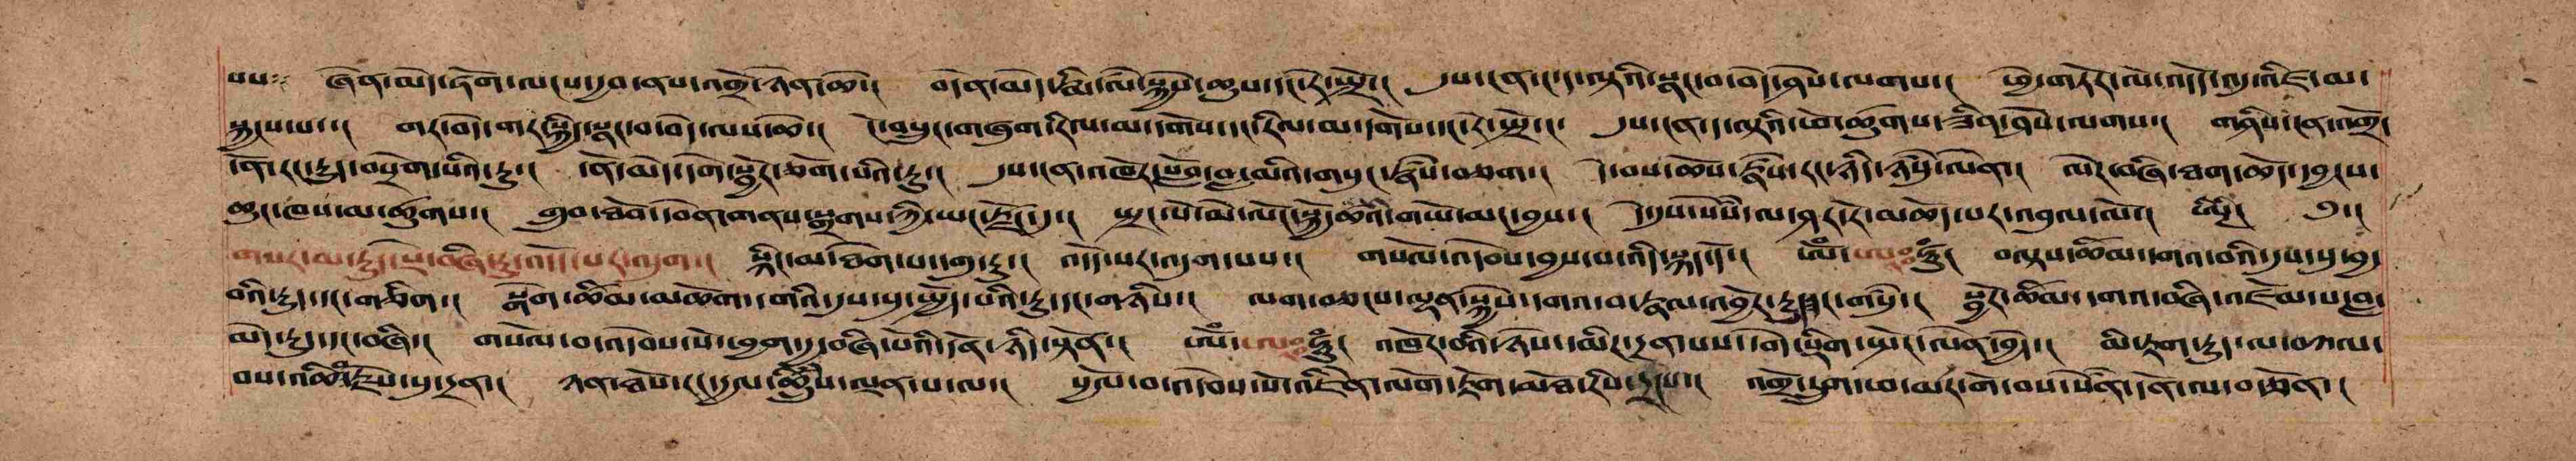བས༴། ཞེན་མེད་ཞོག་ལངས་རྒྱབ་ནས་འགྲོ་ཉེན་ཆེ། བདེན་མེད་རྨི་ལམ་སྐྱོས་ཆུས་དང་རེ་སྤྲོ། དུས་ངན་ང་ད་ལྟའི་སྣང་བ་བདེ་ཤེས་ལགས། ཕྱེ་གཏོར་ལེ་འདོད་འདུ་འཛི་མ་
སྐྱངས་པ། གར་བདེ་གར་སྐྱིད་སྣང་བ་བདེ་ལས་ཆེ། ངོ་བསྲུང་གཞུག་རིལ་མ་དགོས་དང་རིལ་མ་དགོས་དང་རེ་སྤྲོ་ང་དུས་ངན་ད་ལྟའི་ཕེ་ཚུགས་ཟིན་ཤེས་ལགས། གཤིས་ངན་འགྲོ་
དོན་རང་རྒྱུད་བསྲེག་པའི་རྒྱུ། དོན་མེད་དགེ་སྦྱོར་ཅོག་པའི་རྒྱུ། དུས་ངན་འཁོར་སློབ་བླ་མའི་གསུང་རྣམས་བཅག། དེ་བས་ཆོས་རྣམས་རང་ཉིད་ཉམས་སུ་ལེན། ལེགས་བཞི་ཐག་ཆོད་དབྱངས་
ཆུང་ཁས་མ་ཚུགས། གྲུབ་ཐོབ་དབེན་གནས་སྒྲགས་ཀྱི་ཡང་རྫོང་དུ། སྤྲང་པོ་མེ་ལོང་སྐྱོ་ཚའི་གཡོ་མང་བྱས། དེ་དུས་སེམས་ལ་ཤར་རོ་མཆོད་པར་འབུལ་ལོ། ཨིཊི། ༄་། 
གསར་མ་རྒྱུད་སྡེ་བཞི་རུ་འདོད་པར་འདུག། སྙིང་མ་ཐེག་པ་དགུ་རུ། འདོད་པར་འདུག་པས། གསོལ་འདེབས་བྱས་པ་འདི་སྐད་དོ། ཨོཾ་ཨཿཧཱུཾ། བལྟས་ཚིམ་དགའ་བའི་དུས་སུ་བྱ་
བའི་རྒྱུད་དང་གཅིག། སྒོག་ཚིམ་མཆོག་དགའི་དུས་སུ་སྤྱོད་པའི་རྒྱུ་དང་གཉིས། ལག་བཅངས་ལྷན་སྐྱེས་དགའ་བ་རྣལ་འབྱོར་རྒྱུད་དང་གསུམ། སྦྱོར་ཚིམ་དགའ་བཞི་འཛོམ་པ་བླ་
མེད་རྒྱུད་དང་བཞི། གསོལ་བ་འདེབས་སོ་ཕྱག་རྒྱ་བཞི་པོའི་དོན་ཉིད་སྟོན། ཨོཾ་ཨཿཧཱུཾ། འཁོར་བའི་ཉེས་དམིགས་དྲན་པས་དགེ་སྡིག་སྤོང་ལེན་བྱེད། མི་རྟག་རྒྱུད་ལ་བཀལ་
བས་འཆི་བ་རྗེས་སུ་དྲན། ཉན་ཐོས་རང་རྒྱལ་ཚུལ་ཁྲིམས་ལྡན་པ་ལ། གསོལ་བ་འདེབས་སོ་འཇིག་རྟེན་ལོག་རྟོག་མཐོ་རིས་དྲངས། འགྲོ་དྲུག་ཕ་མར་གོ་བས་སེམས་ཅན་དོན་ལ་བརྩོན།